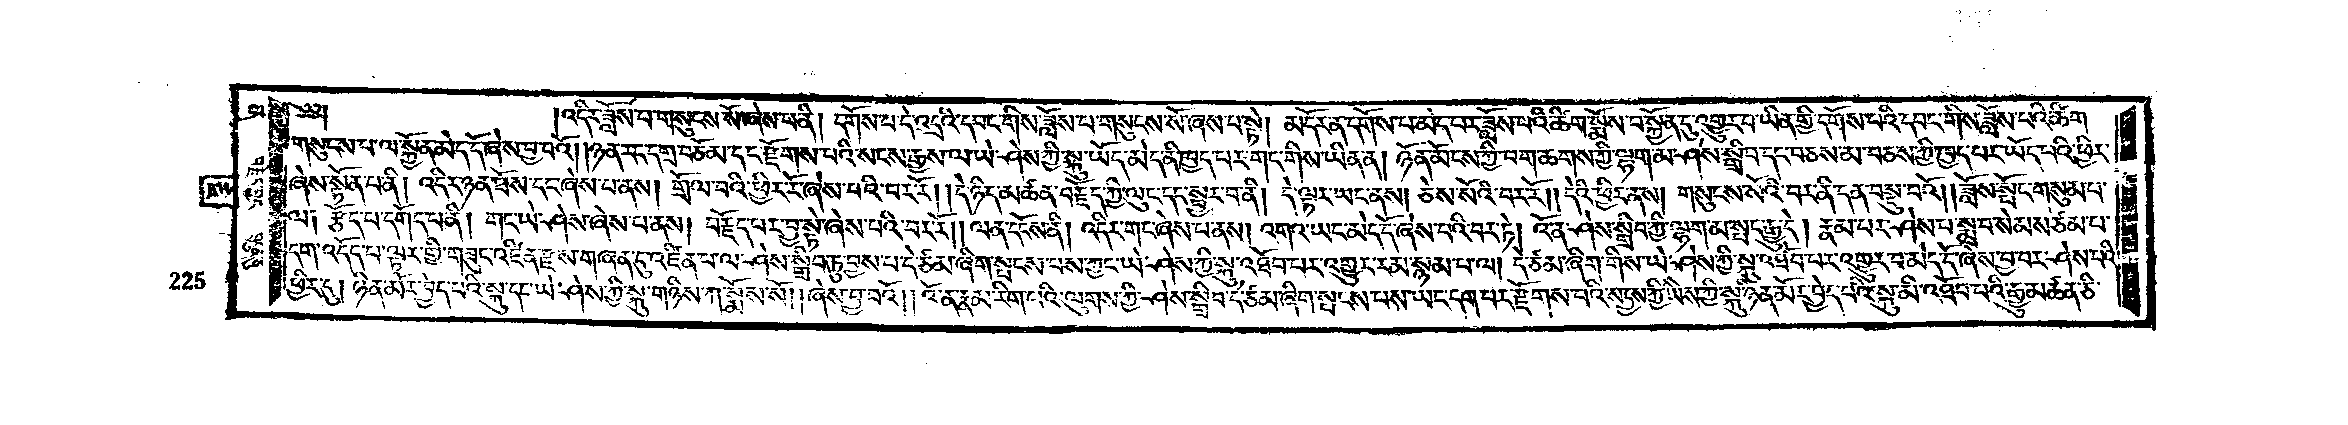༄༅། །འདིར་ཟློས་པ་གསུངས་སོ་ཞེས་པ་ནི། དགོས་པ་དེ་འདྲའི་དབང་གིས་ཟློས་པ་གསུངས་སོ་ཞེས་པ་སྟེ། མདོར་ན་དགོས་པ་མེད་པར་ཟློས་པའི་ཚིག་སྨོས་པ་སྐྱོན་དུ་འགྱུར་པ་ཡིན་གྱི་དགོས་པའི་དབང་གིས་ཟློས་པའི་ཚིག་
གསུངས་པ་ལ་སྐྱོན་མེད་དོ་ཞེས་བྱ་བའོ། །ཉན་རང་དགྲ་བཅོམ་དང་རྫོགས་པའི་སངས་རྒྱས་ལ་ཡེ་ཤེས་ཀྱི་སྐུ་ཡོད་མེད་ནི་ཁྱད་པར་གང་གིས་ཡིན་ན། ཉོན་མོངས་ཀྱི་བག་ཆགས་ཀྱི་ལྷག་མ་ཤེས་སྒྲིབ་དང་བཅས་མ་བཅས་ཀྱི་ཁྱད་པར་ཡོད་པའི་ཕྱིར་
ཞེས་སྟོན་པ་ནི། འདིར་ཉན་ཐོས་དང་ཞེས་པ་ནས། གྲོལ་བའི་ཕྱིར་རོ་ཞེས་པའི་བར་རོ། །དེ་ཉིད་མཚན་བརྗོད་ཀྱི་ལུང་དང་སྦྱར་བ་ནི། དེ་ལྟར་ཡང་ནས། ཅེས་སོའི་བར་རོ། །དེའི་ཕྱིར་ནས། གསུངས་སོའི་བར་ནི་དོན་བསྡུ་བའོ། །ཟློས་སྤོང་གསུམ་པ་
ལ༑ རྩོད་པ་དགོད་པ་ནི། གང་ཡེ་ཤེས་ཞེས་པ་ནས། བརྗོད་པར་བྱ་སྟེ་ཞེས་པའི་བར་རོ། །ལན་དངོས་ནི། འདིར་གང་ཞེས་པ་ནས། འགའ་ཡང་མེད་དོ་ཞེས་པའི་བར་ཏེ། འོ་ན་ཤེས་སྒྲིབ་ཀྱི་ལྷག་མ་སྤང་རྒྱུ་དེ། རྣམ་པར་ཤེས་པ་སྨྲ་བ་སེམས་ཙམ་པ་
དག་འདོད་པ་ལྟར་གྱི་གཟུང་འཛིན་རྫས་གཞན་དུ་འཛིན་པ་ལ་ཤེས་སྒྲིབ་ཏུ་བྱས་པ་དེ་ཙམ་ཞིག་སྤངས་པས་ཀྱང་ཡེ་ཤེས་ཀྱི་སྐུ་འཐོབ་པར་འགྱུར་རམ་སྙམ་པ་ལ། དེ་ཙམ་ཞིག་གིས་ཡེ་ཤེས་ཀྱི་སྐུ་འཐོབ་པར་འགྱུར་བ་མེད་དོ་ཞེས་བྱ་བར་ཤེས་པའི་
ཕྱིར་དུ། ཉིན་མོར་བྱེད་པའི་སྐུ་དང་ཡེ་ཤེས་ཀྱི་སྐུ་གཉིས་ཀ་སྨོས་སོ། །ཞེས་བྱ་བའོ། །འོ་ན་རྣམ་རིག་པའི་ལུགས་ཀྱི་ཤེས་སྒྲིབ་དེ་ཙམ་ཞིག་སྤངས་པས་ཡང་དག་པར་རྫོགས་པའི་སངས་རྒྱས་ཀྱི་ཡེ་ཤེས་ཀྱི་སྐུ་ཉིན་མོར་བྱེད་པའི་སྐུ་མི་འཐོབ་པའི་རྒྱུ་མཚན་ཅི་